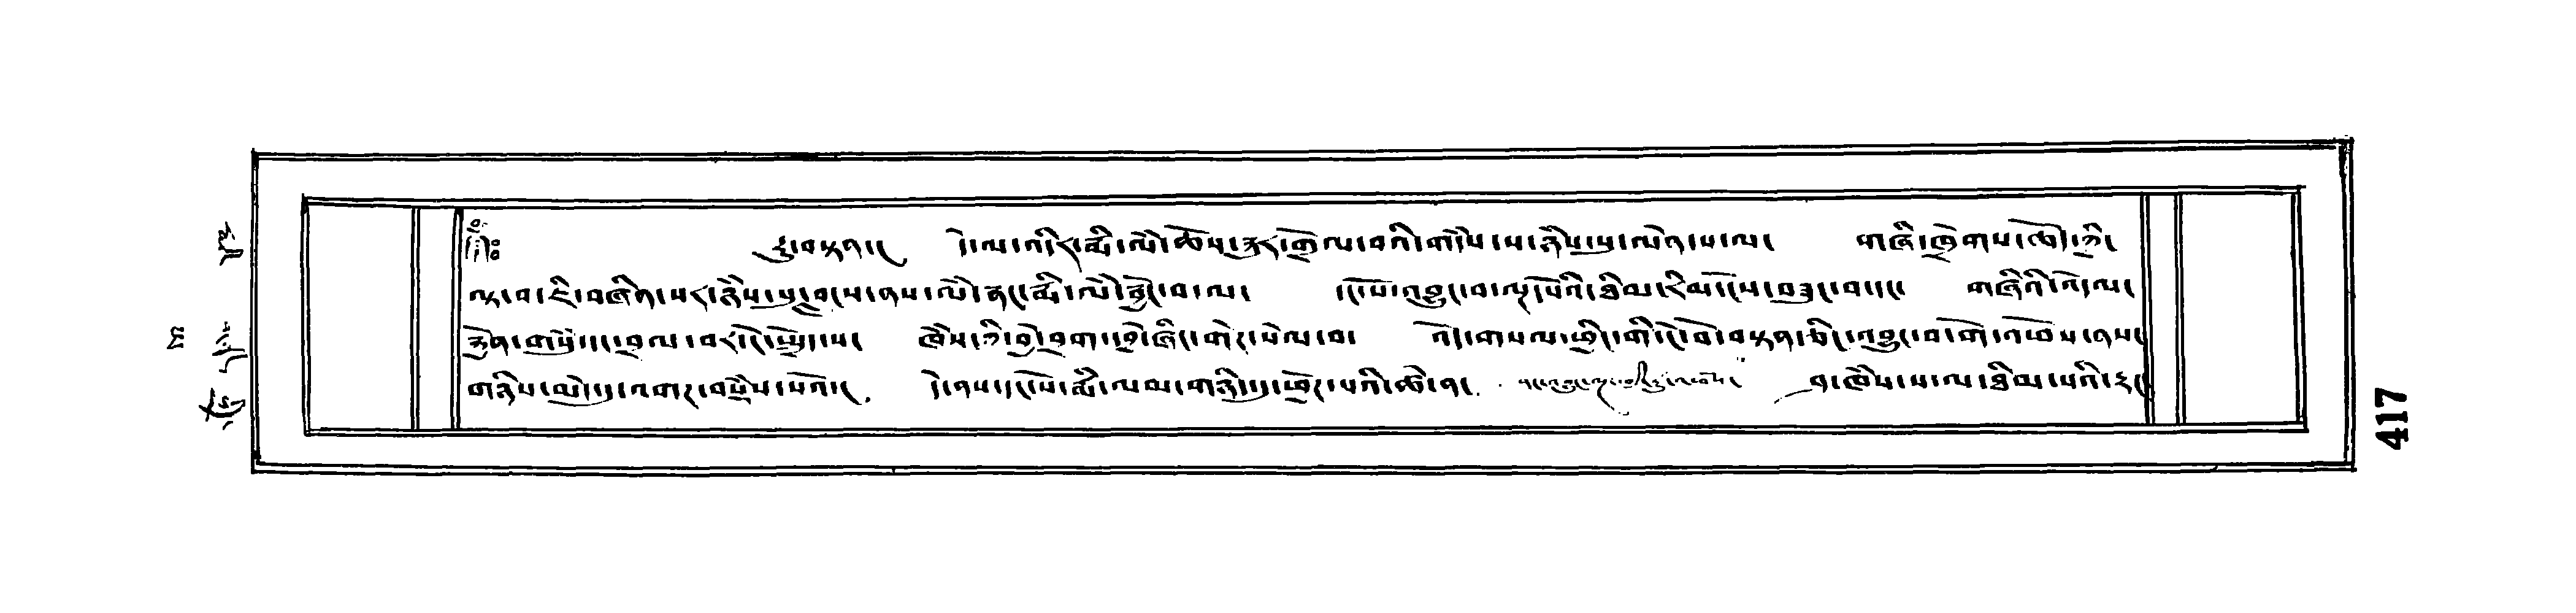རུ་བསྟན། དེ་ལ་འདིར་རྨི་ལམ་ཆོས་སྐུར་གྲོལ་བའི་གདམས་པ་ཉམས་སུ་ལེན་པ་ལ། གཞི་ཁྲེགས་ཆོད་ཀྱི་
ལྟ་བ་ཇི་བཞིན་པར་ཉམས་སུ་བླངས་ནས་ལམ་སྣང་རྨི་ལམ་སྦྱོང་བ་ལ། དང་པོ་འབྱུང་བ་ལྔ་པོའི་ཐིམ་རིམ་ངོས་བཟུང་བ་དང་། གཞིའི་འོད་གསལ་
སྐྱོན་གསུམ་དང་བྲལ་བར་ངོ་སྤྲོད་པ། ཁམས་ཀྱི་བྱེ་བྲག་དབྱེ་ཞིང་གེགས་སེལ་བ། འོད་གསལ་ཕྱི་ནང་གི་ངོ་བོ་བསྟན་ཅིང་འབྱུང་བ་གོ་འཕོས་ནས་
གཉིས་མེད་དུ་འགགས་བསྡམས་པའོ། དེ་ནས་དང་པོ་རྨི་ལམ་གཉིད་དུ་ཕྱོགས་པའི་ཚེ་ན་ཤ་ཁམས་ས་ལ་ཐིམ་པའི་རྟགས་